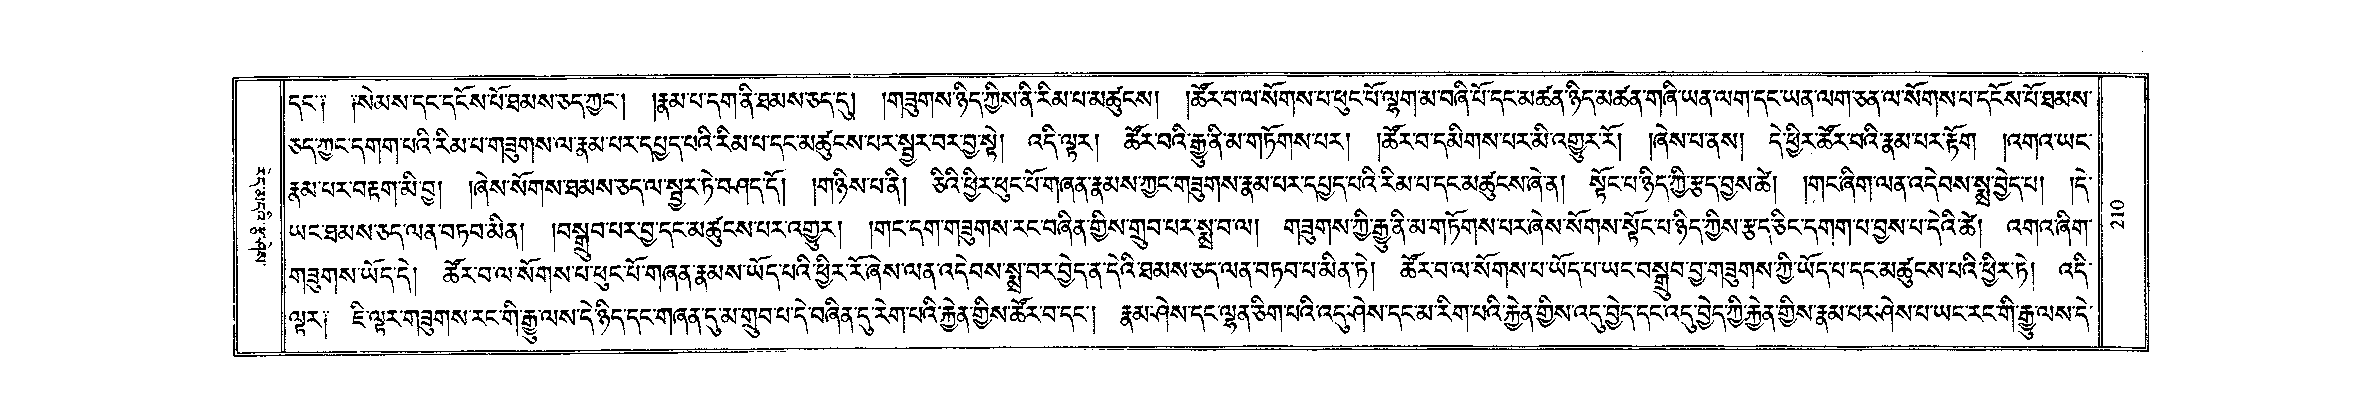དང༑ ༑སེམས་དང་དངོས་པོ་ཐམས་ཅད་ཀྱང་། །རྣམ་པ་དག་ནི་ཐམས་ཅད་དུ། །གཟུགས་ཉིད་ཀྱིས་ནི་རིམ་པ་མཚུངས། །ཚོར་བ་ལ་སོགས་པ་ཕུང་པོ་ལྷག་མ་བཞི་པོ་དང་མཚན་ཉིད་མཚན་གཞི་ཡན་ལག་དང་ཡན་ལག་ཅན་ལ་སོགས་པ་དངོས་པོ་ཐམས་
ཅད་ཀྱང་དགག་པའི་རིམ་པ་གཟུགས་ལ་རྣམ་པར་དཔྱད་པའི་རིམ་པ་དང་མཚུངས་པར་སྦྱར་བར་བྱ་སྟེ། འདི་ལྟར། ཚོར་བའི་རྒྱུ་ནི་མ་གཏོགས་པར། །ཚོར་བ་དམིགས་པར་མི་འགྱུར་རོ། །ཞེས་པ་ནས། དེ་ཕྱིར་ཚོར་བའི་རྣམ་པར་རྟོག །འགའ་ཡང་
རྣམ་པར་བརྟག་མི་བྱ། །ཞེས་སོགས་ཐམས་ཅད་ལ་སྦྱར་ཏེ་བཤད་དོ། །གཉིས་པ་ནི། ཅིའི་ཕྱིར་ཕུང་པོ་གཞན་རྣམས་ཀྱང་གཟུགས་རྣམ་པར་དཔྱད་པའི་རིམ་པ་དང་མཚུངས་ཞེ་ན། སྟོང་པ་ཉིད་ཀྱི་རྩད་བྱས་ཚེ། །གང་ཞིག་ལན་འདེབས་སྨྲ་བྱེད་པ། །དེ་
ཡང་ཐམས་ཅད་ལན་བཏབ་མིན། །བསྒྲུབ་པར་བྱ་དང་མཚུངས་པར་འགྱུར། །གང་དག་གཟུགས་རང་བཞིན་གྱིས་གྲུབ་པར་སྨྲ་བ་ལ། གཟུགས་ཀྱི་རྒྱུ་ནི་མ་གཏོགས་པར་ཞེས་སོགས་སྟོང་པ་ཉིད་ཀྱིས་རྩད་ཅིང་དགག་པ་བྱས་པ་དེའི་ཚེ། འགའ་ཞིག་
གཟུགས་ཡོད་དེ། ཚོར་བ་ལ་སོགས་པ་ཕུང་པོ་གཞན་རྣམས་ཡོད་པའི་ཕྱིར་རོ་ཞེས་ལན་འདེབས་སྨྲ་བར་བྱེད་ན་དེའི་ཐམས་ཅད་ལན་བཏབ་པ་མིན་ཏེ། ཚོར་བ་ལ་སོགས་པ་ཡོད་པ་ཡང་བསྒྲུབ་བྱ་གཟུགས་ཀྱི་ཡོད་པ་དང་མཚུངས་པའི་ཕྱིར་ཏེ། འདི་
ལྟར༑ ཇི་ལྟར་གཟུགས་རང་གི་རྒྱུ་ལས་དེ་ཉིད་དང་གཞན་དུ་མ་གྲུབ་པ་དེ་བཞིན་དུ་རེག་པའི་རྐྱེན་གྱིས་ཚོར་བ་དང་། རྣམ་ཤེས་དང་ལྷན་ཅིག་པའི་འདུ་ཤེས་དང་མ་རིག་པའི་རྐྱེན་གྱིས་འདུ་བྱེད་དང་འདུ་བྱེད་ཀྱི་རྐྱེན་གྱིས་རྣམ་པར་ཤེས་པ་ཡང་རང་གི་རྒྱུ་ལས་དེ་